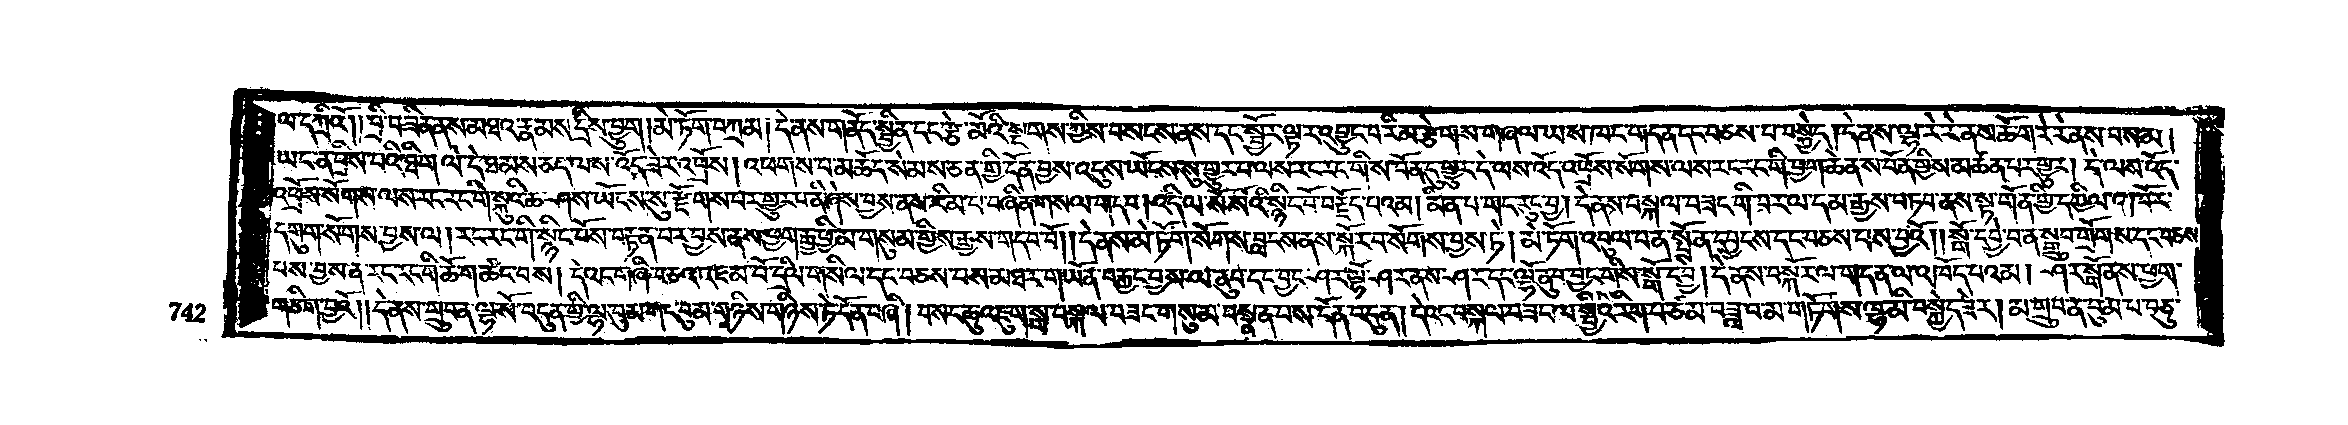ལ་དཀྲིའོ། །བྲི་བཟིན་ནས་མཐའ་རྣམས་དྲིས་བྱུག །མེ་ཏོག་བཀྲམ། དེ་ནས་གནོད་སྦྱིན་དང་རྩེ་མོའི་སྔགས་ཀྱིས་བསངས་ནས་དང་སྦྱོར་ལྟར་འབྱུང་བ་རིམ་རྩེགས་གཞལ་ཡས་ཁང་གདན་དང་བཅས་པ་བསྐྱེད། དེ་ནས་ལྷ་རེ་རེ་ནས་ཆོ་ག་རེ་རེ་ནས་བསམ།
ཡང་ན་བྲིས་པའི་ཐིག་ལེ་དེ་ཐམས་ཅད་ལས་འོད་ཟེར་འཕྲོས། འཕགས་པ་མཆོད་སེམས་ཅན་གྱི་དོན་བྱས་འདུས་ཡོངས་སུ་གྱུར་པ་ལས་རང་རང་གི་ས་བོན་དུ་གྱུར་དེ་ལས་འོད་འཕྲོས་སོགས་ལས་རང་རང་གི་ཕྱག་ཆེན་ས་བོན་གྱིས་མཚན་པར་གྱུར། དེ་ལས་འོད་
འཕྲོས་སོགས་ལས་རང་རང་གི་སྐུའི་ཆ་ཤས་ཡོངས་སུ་རྫོགས་པར་གྱུར་པ་ནི་ཞེས་བྱས་ནས་རིམ་པ་བཞིན་གསལ་གདབ། འདི་ལ་སོ་སོའི་སྙིང་པོ་བརྗོད་པའམ། མིན་པ་གང་རུང་བྱ། དེ་ནས་བསྐལ་བཟང་གི་བར་ལ་དམ་རྒྱས་བཏབ་ནས་སྟ་གོན་གྱི་དཀྱིལ་འཁོར་
དགུག་སོགས་བྱས་ལ། རང་རང་གི་སྙིང་པོས་བརྟན་པར་བྱས་ནས་ཕྱག་རྱྒ་ཕྱི་མ་གསུམ་གྱིས་རྒྱས་གདབ་བོ། །དེ་ནས་མེ་ཏོག་སོགས་བླངས་ནས་སྐོར་བ་སོགས་བྱས་ཏེ། མེ་ཏོག་འབུལ་བ་ན་སྤྲོ་ན་དབྱངས་དང་བཅས་པས་བྱའོ། །སྒོ་དབྱེ་བ་ན་སྒྲུབ་གྲོགས་དང་བཅས་
པས་བྱས་ན་རང་རང་གི་ཆོ་ག་ཚང་བས། དེའང་གཞི་བཅའ་འཇམ་པོ་དྲིལ་གསིལ་དང་བཅས་པས་མཐར་གཡོན་བརྐྱང་བྱས་ལ་ནུབ་དང་བྱང་ཤར་ལྷོ་ཤར་ནས་ཤར་དང་ལྷོ་ནུབ་བྱང་གིས་སྒོ་དབྱེ། དེ་ནས་བསྐོར་ལ་གདན་ལ་འཁོད་པའམ། ཤར་སྒོ་ནས་ཕྱག་
གཅིག་བྱའོ། །དེ་ནས་གྲུབ་ན་ལྷ་སོ་བདུན་གྱི་ལྷ་བུམ་གང་བུམ་གཉིས་གཉིས་ཏེ་དོན་བཞི། བསང་ཆུ་འཇུག་སྒོ་བསྐལ་བཟང་གསུམ་བསྣན་པས་དོན་བདུན། དེའང་བསྐལ་བཟང་ལ་སྤྱིའི་རིག་པ་ཙམ་བཟླ་བ་མ་གཏོགས་ལྷ་མི་བསྐྱེད་ཟེར། མ་གྲུབ་ན་བུམ་པ་བཅུ་